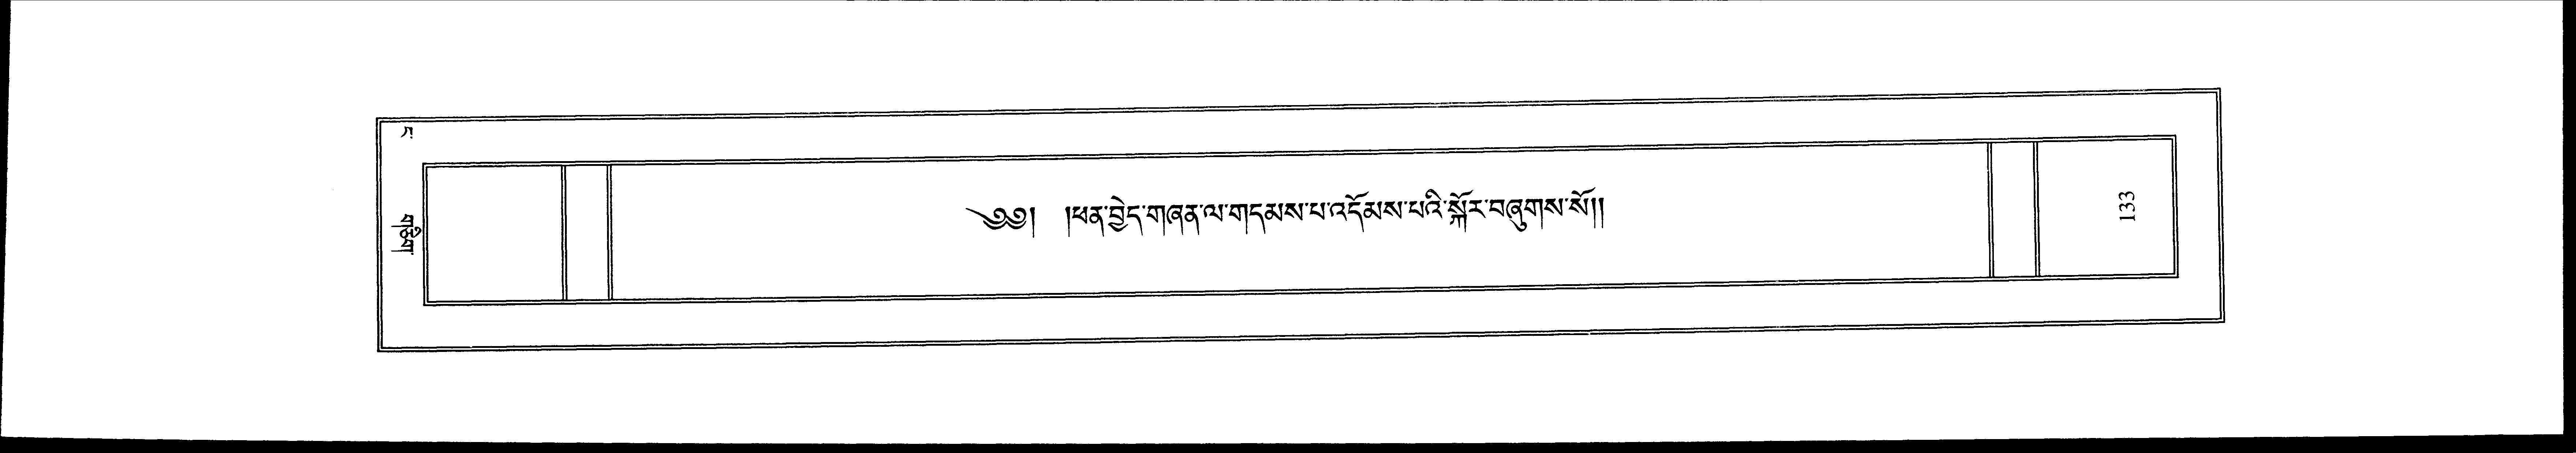༄༅། །ཕན་བྱེད་གཞན་ལ་གདམས་པ་འདོམས་པའི་སྐོར་བཞུགས་སོ།།